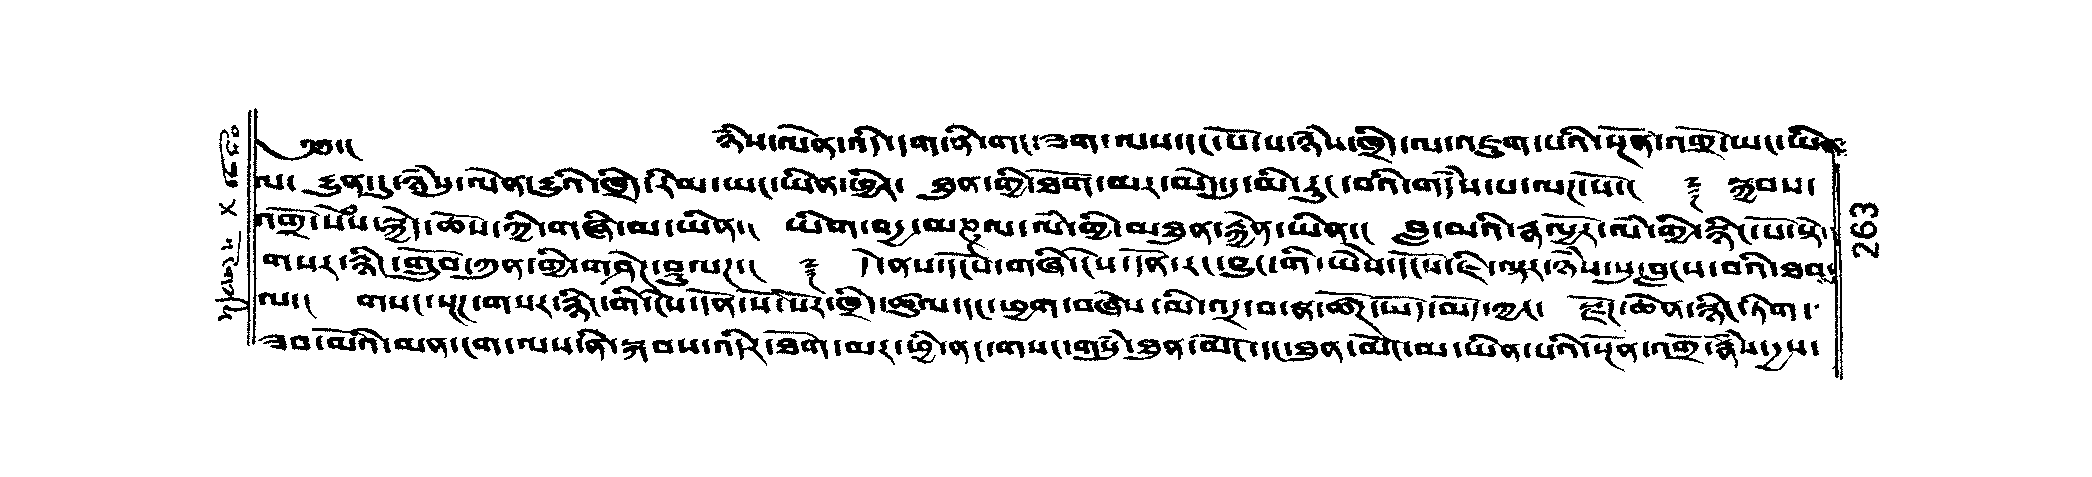ཉམས་ལེན་འདི་དག་ནི་གང་ཟག་ལས་དང་པོ་པ་ཉམས་ཁྲིད་ལ་འཇུག་པའི་སྔོན་འགྲོ་ཡང་ཡིན་
ལ། རྒྱུན་དུ་ཉམས་སུ་ལེན་རྒྱུའི་ཁྲིད་རིམ་ཡང་ཡིན་ཕྱིར། ཐུན་གྱི་ཐོག་མར་མེད་དུ་མི་རུང་བའི་གདམས་པ་ལགས་སོ། ༈ སྐྱབས་
འགྲོ་སེམས་སྐྱེད་ཆོས་ཀྱི་གཞི་མ་ཡིན། །ཡིག་བརྒྱ་མཎྜལ་ལམ་གྱི་མཐུན་རྐྱེན་ཡིན། །བླ་མའི་རྣལ་འབྱོར་ལམ་གྱི་སྙིང་པོ་སྟེ། །
གསར་རྙིང་གྲུབ་ཐོབ་ཀུན་གྱི་གཤེགས་ཤུལ་ལགས། ༈ དེ་ནས་དངོས་གཞི་ངེས་དོན་རང་བྱུང་གི་ཡེ་ཤེས་དངོས་ཇི་ལྟར་ཉམས་སུ་བླངས་བའི་ཐབས་
ལ། གསང་སྔགས་གསར་རྙིང་གི་ངེས་དོན་སོ་སོར་ཁྲིད་ཚུལ་དང་ཕྱག་བཞེས་མི་འདྲ་བ་སྣ་ཚོགས་ཡོད་མོད་ཀྱང་། རྫོགས་ཆེན་སྙིང་ཐིག་
ཟབ་མོའི་མན་ངག་ལས་ནི་སྐབས་འདིར་ཐོག་མར་ཕྱི་ནང་གསང་གསུམ་ཐུན་མོང་དང་ཐུན་མོང་མ་ཡིན་པའི་སྔོན་འགྲོ་རྣམས་རྒྱས་